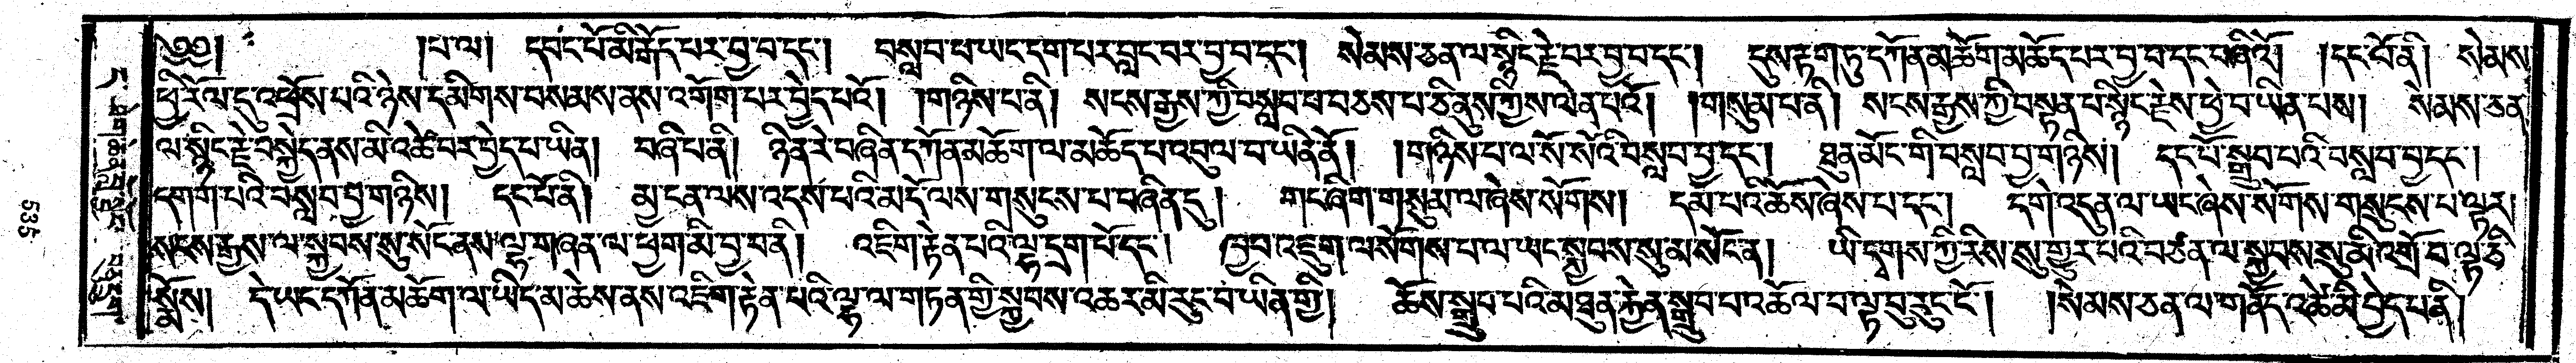༄༅། །པ་ལ། དབང་པོ་མི་རྒོད་པར་བྱ་བ་དང་། བསླབ་པ་ཡང་དག་པར་བླང་བར་བྱ་བ་དང་། སེམས་ཅན་ལ་སྙིང་རྗེ་བར་བྱ་བ་དང་། དུས་རྟག་ཏུ་དཀོན་མཆོག་མཆོད་པར་བྱ་བ་དང་བཞིའོ། །དང་པོ་ནི། སེམས་
ཕྱི་རོལ་དུ་འཕྲོས་པའི་ཉེས་དམིགས་བསམས་ནས་འགོག་པར་བྱེད་པའོ། །གཉིས་པ་ནི། སངས་རྒྱས་ཀྱི་བསླབ་པ་བཅས་པ་ཅི་ནུས་ཀྱིས་ལེན་པའོ། །གསུམ་པ་ནི། སངས་རྒྱས་ཀྱི་བསྟན་པ་སྙིང་རྗེས་ཕྱེ་བ་ཡིན་པས། སེམས་ཅན་
ལ་སྙིང་རྗེ་བསྐྱེད་ནས་མི་འཚེ་བར་བྱེད་པ་ཡིན། བཞི་པ་ནི། ཉིན་རེ་བཞིན་དཀོན་མཆོག་ལ་མཆོད་པ་འབུལ་བ་ཡིན་ནོ། །གཉིས་པ་ལ་སོ་སོའི་བསླབ་བྱ་དང་། ཐུན་མོང་གི་བསླབ་བྱ་གཉིས། དང་པོ་སྒྲུབ་པའི་བསླབ་བྱ་དང་།
དགག་པའི་བསླབ་བྱ་གཉིས། དང་པོ་ནི། མྱ་ངན་ལས་འདས་པའི་མདོ་ལས་གསུངས་པ་བཞིན་དུ། གང་ཞིག་གསུམ་ལ་ཞེས་སོགས། དམ་པའི་ཆོས་ཞེས་པ་དང་། དགེ་འདུན་ལ་ཡང་ཞེས་སོགས་གསུངས་པ་ལྟར།
སངས་རྒྱས་ལ་སྐྱབས་སུ་སོང་ནས་ལྷ་གཞན་ལ་ཕྱག་མི་བྱ་བ་ནི། འཇིག་རྟེན་པའི་ལྷ་དྲག་པོ་དང་། ཁྱབ་འཇུག་ལ་སོགས་པ་ལ་ཡང་སྐྱབས་སུ་མ་སོང་ན། ཡི་དྭགས་ཀྱི་རིས་སུ་གྱུར་པའི་བཙན་ལ་སྐྱབས་སུ་མི་འགྲོ་བ་ལྟ་ཅི་
སྨོས། དེ་ཡང་དཀོན་མཆོག་ལ་ཡིད་མ་ཆེས་ནས་འཇིག་རྟེན་པའི་ལྷ་ལ་གཏན་གྱི་སྐྱབས་འཆར་མི་རུང་བ་ཡིན་གྱི། ཆོས་སྒྲུབ་པའི་མཐུན་རྐྱེན་སྒྲུབ་པ་འཆོལ་བ་ལྟ་བུ་རུང་ངོ། །སེམས་ཅན་ལ་གནོད་འཚེ་མི་བྱེད་པ་ནི།